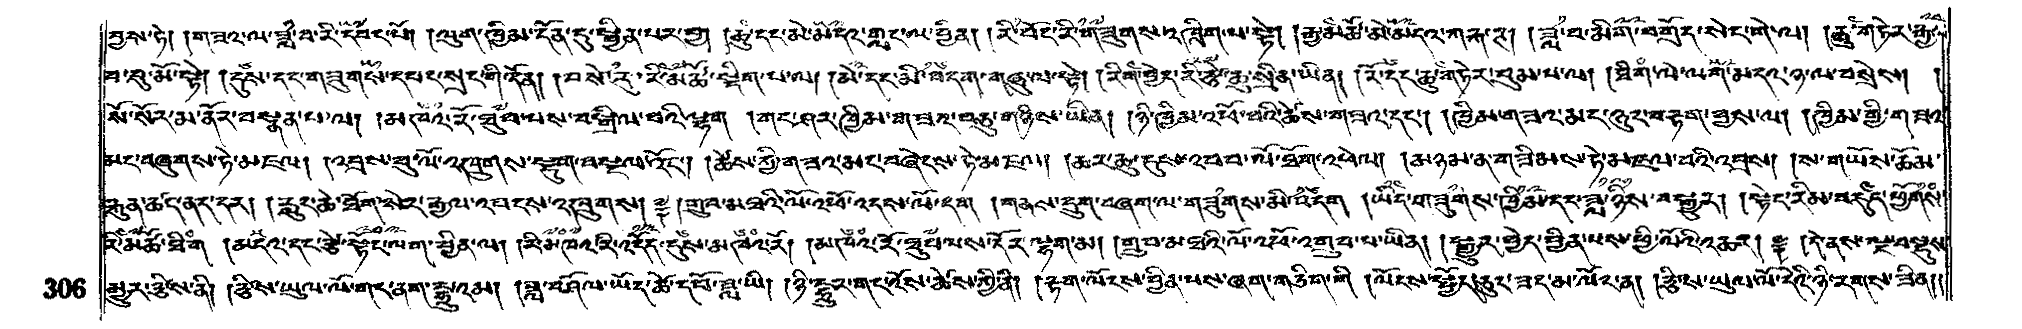བྱས་ཏེ། །གཟའ་ལ་ཟླ་བ་རི་དབང་པོ། །ལུག་ཁྱིམ་དོན་དུ་སྦྱིན་པར་བྱ། །ཆུ་དང་མེ་མདའ་གླང་ལ་བྱིན། །རི་བོང་རི་གཟུགས་འཁྲིག་པ་སྟེ། །རྒྱ་མཚོ་མེ་མདའ་ཀརྐ་ཊ། །ཟླ་བ་མིག་བགྲོད་སེང་གེ་ལ། །ཆུ་གཏེར་རྒྱལ་
བ་བུ་མོ་སྟེ། །དུས་དང་གཟུགས་དབང་སྲང་གི་དོན། །བསེ་རུ་རི་མཚོ་སྡིག་པ་ལ། །མེ་དང་མི་བདག་གཞུ་ལ་སྟེ། །རིག་བྱེད་རི་རྩེ་ཆུ་སྲིན་ཡིན། །རོ་དང་ཆུ་གཏེར་བུམ་པ་ལ། །ཐིག་ལེ་ལག་མདའ་ཉ་ལ་བསྲེས། །
སོ་སོར་མ་ནོར་བསྣན་པ་ལ། །མཁའ་རོ་ཐུབ་པས་བསྒྲིལ་བའི་ལྷག །གང་ཤར་ཁྱིམ་གཟའ་བཅུ་གཉིས་ཡིན། །ཉི་ཁྱིམ་འཕོ་བའི་ཚེས་གཟའ་དང་། །ཁྱིམ་གཟའ་མང་ཉུང་བརྟག་བྱས་ལ། །ཁྱིམ་གྱི་གཟའ་
མང་བཞུགས་ཏེ་མཇལ། །འབྲས་བུ་ལོ་འཁྲུགས་སྡུག་བསྔལ་འོང་། །ཚེས་ཀྱི་གཟའ་མང་བཞེངས་ཏེ་མཇལ། །ཆར་ཆུ་དུས་འབབ་ལོ་ཐོག་འཕེལ། །མཉམ་ན་གཟིམས་ཏེ་མཇལ་བའི་འབྲས། །ས་གཡོས་ཆོམ་
རྐུན་ཚད་ནད་དར། །རླུང་ཆེ་ཐོག་སེར་རྒྱལ་འབངས་འཁྲུགས། ༈ །གྲུབ་མཐའི་ལོ་འཕོ་འདས་ལོ་དག །གནས་དྲུག་བཞག་ལ་གཟུགས་མི་བདག །ཡིད་གཟུགས་ཁྱིམ་དང་ཟླ་ཉིས་བསྒྱུར། །སྟེང་རིམ་བདུད་ཕྱོགས་
རི་མཚོ་ཐིག །མདའ་དང་རྩེ་སྟོང་ལག་བྱིན་ལ། །རི་མཁའ་རི་འདོད་དུས་མཁའ་རོ། །མཁའ་རོ་ཐུབ་ལས་དོར་ལྷག་མ། །གྲུབ་མཐའི་ལོ་འཕོ་འགྲུབ་པ་ཡིན། །སྒྱུར་བྱེད་བྱིན་པས་ཕྱི་ལོའི་འཆར། ༈ །དེ་ནས་ལྔ་བསྡུས་
མྱུར་རྩིས་ནི། །རྩིས་ཡུལ་ལོ་གང་ནག་དྷྲུ་འམ། །ཟླ་བཤོལ་ཡོད་ཚེ་དབོ་ཟླ་ཡི། །ཉི་དྷྲུར་གང་འོས་ཚེས་ཀྱི་ནི། །རྟག་ལོངས་བྱིན་པས་ཞག་གཅིག་གི །ལོངས་སྤྱོད་ཅུང་ཟད་མ་ལོང་ན། །རྩིས་ཡུལ་ལོ་དེའི་ཉི་རགས་ཟིན། །